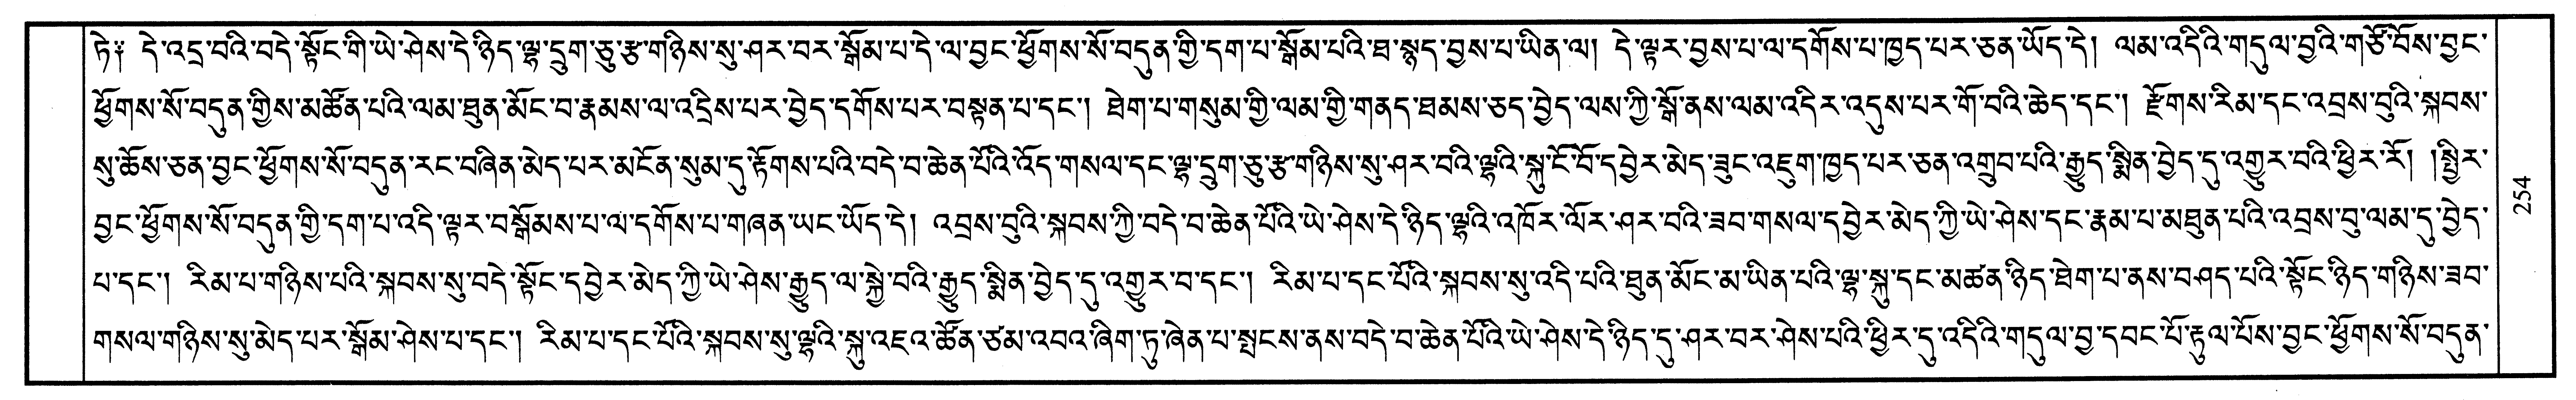ཏེ༑ དེ་འདྲ་བའི་བདེ་སྟོང་གི་ཡེ་ཤེས་དེ་ཉིད་ལྷ་དྲུག་ཅུ་རྩ་གཉིས་སུ་ཤར་བར་སྒོམ་པ་དེ་ལ་བྱང་ཕྱོགས་སོ་བདུན་གྱི་དག་པ་སྒོམ་པའི་ཐ་སྙད་བྱས་པ་ཡིན་ལ། དེ་ལྟར་བྱས་པ་ལ་དགོས་པ་ཁྱད་པར་ཅན་ཡོད་དེ། ལམ་འདིའི་གདུལ་བྱའི་གཙོ་བོས་བྱང་
ཕྱོགས་སོ་བདུན་གྱིས་མཚོན་པའི་ལམ་ཐུན་མོང་བ་རྣམས་ལ་འདྲིས་པར་བྱེད་དགོས་པར་བསྟན་པ་དང་། ཐེག་པ་གསུམ་གྱི་ལམ་གྱི་གནད་ཐམས་ཅད་བྱེད་ལས་ཀྱི་སྒོ་ནས་ལམ་འདིར་འདུས་པར་གོ་བའི་ཆེད་དང་། རྫོགས་རིམ་དང་འབྲས་བུའི་སྐབས་
སུ་ཆོས་ཅན་བྱང་ཕྱོགས་སོ་བདུན་རང་བཞིན་མེད་པར་མངོན་སུམ་དུ་རྟོགས་པའི་བདེ་བ་ཆེན་པོའི་འོད་གསལ་དང་ལྷ་དྲུག་ཅུ་རྩ་གཉིས་སུ་ཤར་བའི་ལྷའི་སྐུ་ངོ་བོ་དབྱེར་མེད་ཟུང་འཇུག་ཁྱད་པར་ཅན་འགྲུབ་པའི་རྒྱུད་སྨིན་བྱེད་དུ་འགྱུར་བའི་ཕྱིར་རོ། །སྤྱིར་
བྱང་ཕྱོགས་སོ་བདུན་གྱི་དག་པ་འདི་ལྟར་བསྒོམས་པ་ལ་དགོས་པ་གཞན་ཡང་ཡོད་དེ། འབྲས་བུའི་སྐབས་ཀྱི་བདེ་བ་ཆེན་པོའི་ཡེ་ཤེས་དེ་ཉིད་ལྷའི་འཁོར་ལོར་ཤར་བའི་ཟབ་གསལ་དབྱེར་མེད་ཀྱི་ཡེ་ཤེས་དང་རྣམ་པ་མཐུན་པའི་འབྲས་བུ་ལམ་དུ་བྱེད་
པ་དང་། རིམ་པ་གཉིས་པའི་སྐབས་སུ་བདེ་སྟོང་དབྱེར་མེད་ཀྱི་ཡེ་ཤེས་རྒྱུད་ལ་སྐྱེ་བའི་རྒྱུད་སྨིན་བྱེད་དུ་འགྱུར་བ་དང་། རིམ་པ་དང་པོའི་སྐབས་སུ་འདི་པའི་ཐུན་མོང་མ་ཡིན་པའི་ལྷ་སྐུ་དང་མཚན་ཉིད་ཐེག་པ་ནས་བཤད་པའི་སྟོང་ཉིད་གཉིས་ཟབ་
གསལ་གཉིས་སུ་མེད་པར་སྒོམ་ཤེས་པ་དང་། རིམ་པ་དང་པོའི་སྐབས་སུ་ལྷའི་སྐུ་འཇའ་ཚོན་ཙམ་འབའ་ཞིག་ཏུ་ཞེན་པ་སྤངས་ནས་བདེ་བ་ཆེན་པོའི་ཡེ་ཤེས་དེ་ཉིད་དུ་ཤར་བར་ཤེས་པའི་ཕྱིར་དུ་འདིའི་གདུལ་བྱ་དབང་པོ་རྟུལ་པོས་བྱང་ཕྱོགས་སོ་བདུན་